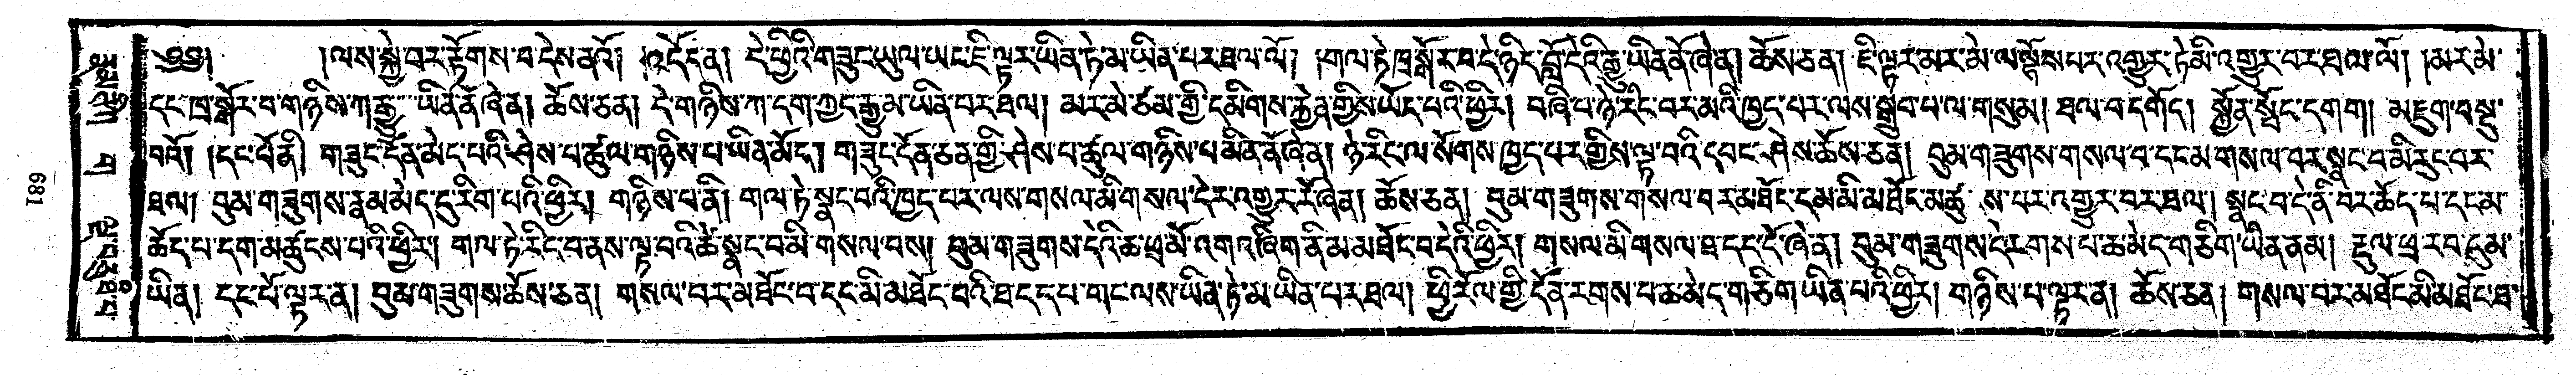༄༅། །ལས་སྐྱེ་བར་རྟོགས་པ་དེས་ནའོ། །འདོད་ན། དེ་ཕྱིའི་གཟུང་ཡུལ་ཡང་ཇི་ལྟར་ཡིན་ཏེ་མ་ཡིན་པར་ཐལ་ལོ། །གལ་ཏེ་ཁྲ་སྒོར་བ་དེ་ཉིད་བློ་དེའི་རྒྱུ་ཡིན་ནོ་ཞེ་ན། ཆོས་ཅན། ཇི་ལྟར་མར་མེ་ལ་ལྟོས་པར་འགྱུར་ཏེ་མི་འགྱུར་བར་ཐལ་ལོ། །མར་མེ་
དང་ཁྲ་སྒོར་བ་གཉིས་ཀ་རྒྱུ་ཡིན་ནོ་ཞེ་ན། ཆོས་ཅན། དེ་གཉིས་ཀ་དག་ཀྱང་རྒྱུ་མ་ཡིན་པར་ཐལ། མར་མེ་ཙམ་གྱི་དམིགས་རྐྱེན་གྱིས་ཡོད་པའི་ཕྱིར། བཞི་པ་ཉེ་རིང་བར་མའི་ཁྱད་པར་ལས་སྒྲུབ་པ་ལ་གསུམ། ཐལ་བ་དགོད། སྐྱོན་སྤོང་དགག། མཇུག་བསྡུ་
བའོ། །དང་པོ་ནི། གཟུང་དོན་མེད་པའི་ཤེས་པ་ཚུལ་གཉིས་པ་ཡིན་མོད། གཟུང་དོན་ཅན་གྱི་ཤེས་པ་ཚུལ་གཉིས་པ་མིན་ནོ་ཞེ་ན། ཉེ་རིང་ལ་སོགས་ཁྱད་པར་གྱིས་ལྟ་བའི་དབང་ཤེས་ཆོས་ཅན། བུམ་གཟུགས་གསལ་བ་དང་མ་གསལ་བར་སྣང་བ་མི་རུང་བར་
ཐལ། བུམ་གཟུགས་རྣམ་མེད་དུ་རིག་པའི་ཕྱིར། གཉིས་པ་ནི། གལ་ཏེ་སྣང་བའི་ཁྱད་པར་ལས་གསལ་མི་གསལ་དེར་འགྱུར་རོ་ཞེ་ན། ཆོས་ཅན། བུམ་གཟུགས་གསལ་བར་མཐོང་དམ་མི་མཐོང་མཚུངས་པར་འགྱུར་བར་ཐལ། སྣང་བ་དེ་ནི་བར་ཆོད་པ་དང་མ་
ཆོད་པ་དག་མཚུངས་པའི་ཕྱིར། གལ་ཏེ་རིང་བ་ནས་ལྟ་བའི་ཚེ་སྣང་བ་མི་གསལ་བས། བུམ་གཟུགས་དེའི་ཆ་ཕྲ་མོ་འགའ་ཞིག་ནི་མ་མཐོང་བ་དེའི་ཕྱིར། གསལ་མི་གསལ་ཐ་དད་དོ་ཞེ་ན། བུམ་གཟུགས་དེ་རགས་པ་ཆ་མེད་གཅིག་ཡིན་ནམ། རྡུལ་ཕྲ་རབ་དུ་མ་
ཡིན། དང་པོ་ལྟར་ན། བུམ་གཟུགས་ཆོས་ཅན། གསལ་བར་མཐོང་བ་དང་མི་མཐོང་བའི་ཐ་དད་པ་གང་ལས་ཡིན་ཏེ་མ་ཡིན་པར་ཐལ། ཕྱི་རོལ་གྱི་དོན་རགས་པ་ཆ་མེད་གཅིག་ཡིན་པའི་ཕྱིར། གཉིས་པ་ལྟར་ན། ཆོས་ཅན། གསལ་བར་མཐོང་མི་མཐོང་ཐ་